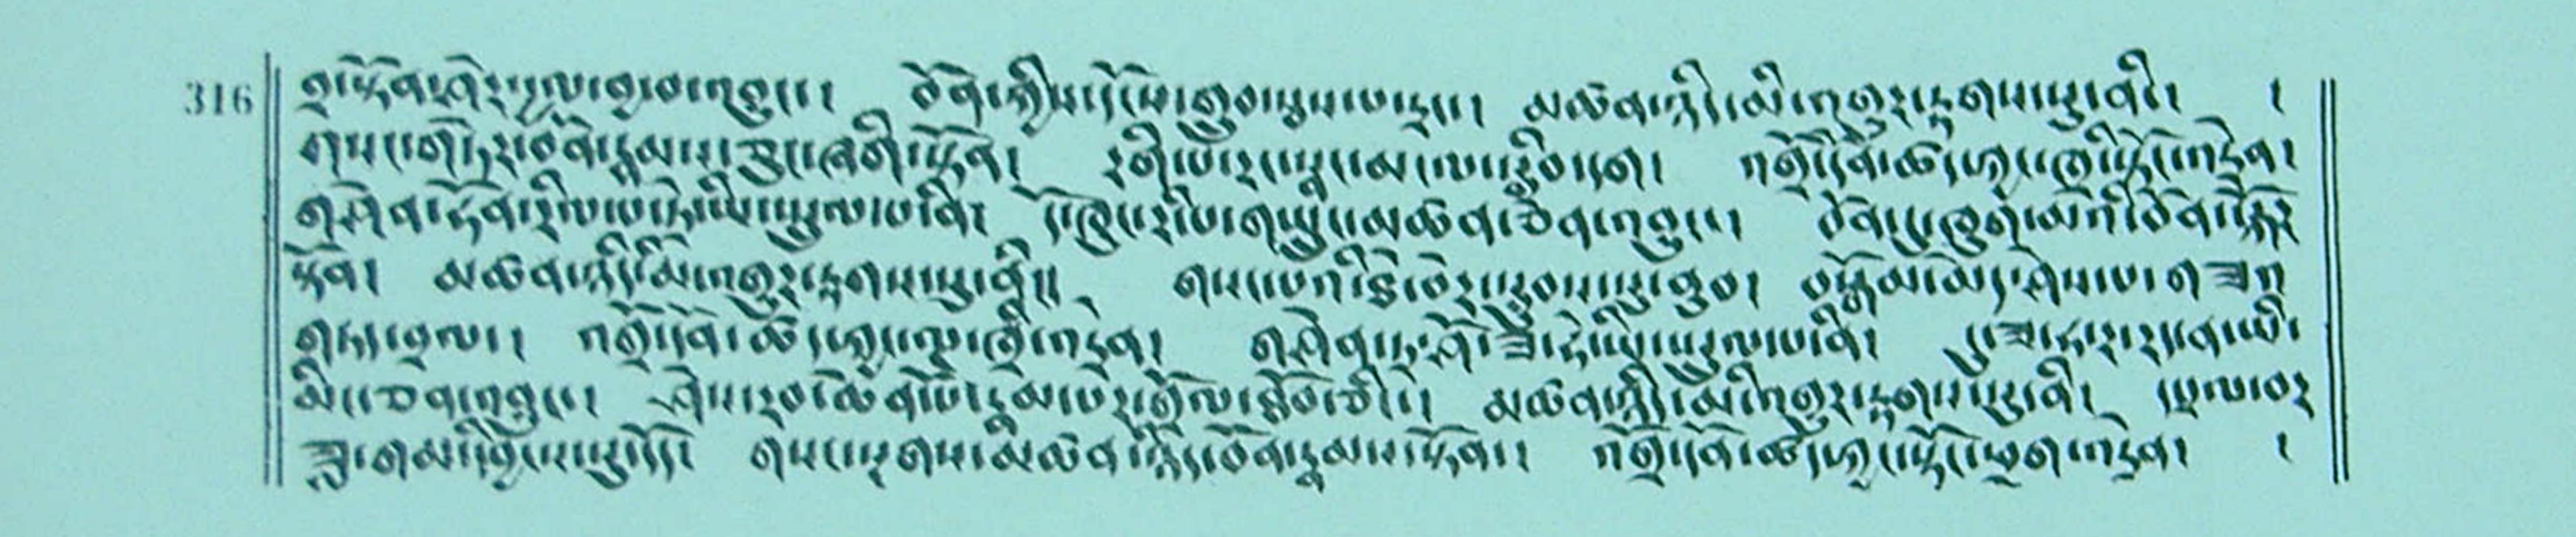དབྲ་སྟོན་ཤེར་རྒྱལ་བྱ་བ་འབྱུང་། བོན་གྱི་དངོས་གྲུབ་སྦས་པ་དྲངས། མཚན་ཉིད་མི་འགྱུར་རྟགས་སུ་ནི། 
གསང་གཏེར་བོན་རྣམས་ཅུང་ཞིག་སྟོན། རིག་པ་རང་སྣང་མངལ་སྒྲིབ་དག འགྲོ་དོན་ཚད་ཀྱང་ཁྲི་སྟོང་འདྲེན། 
གཤེན་ཧོན་རིལ་པ་ཏྲེ་ཡི་སྤྲུལ་པ་ནི། དོ་ཁུང་རི་པ་གཡུང་དྲུང་མཚན་ཅན་འབྱུང་། བོན་དུ་ཁུག་མའི་བོན་སྐོར་
སྟོན། མཚན་ཉིད་མི་འགྱུར་རྟགས་སུ་ནི། གསང་བའི་ཐེ་བེར་སྦུབས་སུ་ནུབ། བསྒོམ་མེད་ཤེས་པ་གཟའ་
གཏད་བྲལ། འགྲོ་དོན་ཚད་ཀྱང་ལྔ་ཁྲི་འདྲེན། གཤེན་ཏྲ་ཤོ་ཟ་ཧེ་ཡི་སྤྲུལ་པ་ནི། དུ་ཟ་ཧ་ར་རད་ན་
མིང་ཅན་འབྱུང་། ཤེས་རབ་ཆེན་པོ་རྣམ་པར་གྲོལ་ཐོབ་ཅིང་། མཚན་ཉིད་མི་འགྱུར་རྟགས་སུ་ནི། དཔྲལ་པར་
ཟླ་གམ་དབྱིངས་སུ་དོད། གསང་སྔགས་མཚན་ཉིད་བོན་རྣམས་སྟོན། འགྲོ་དོན་ཚད་ཀྱང་སྟོང་ཕྲག་འདྲེན།